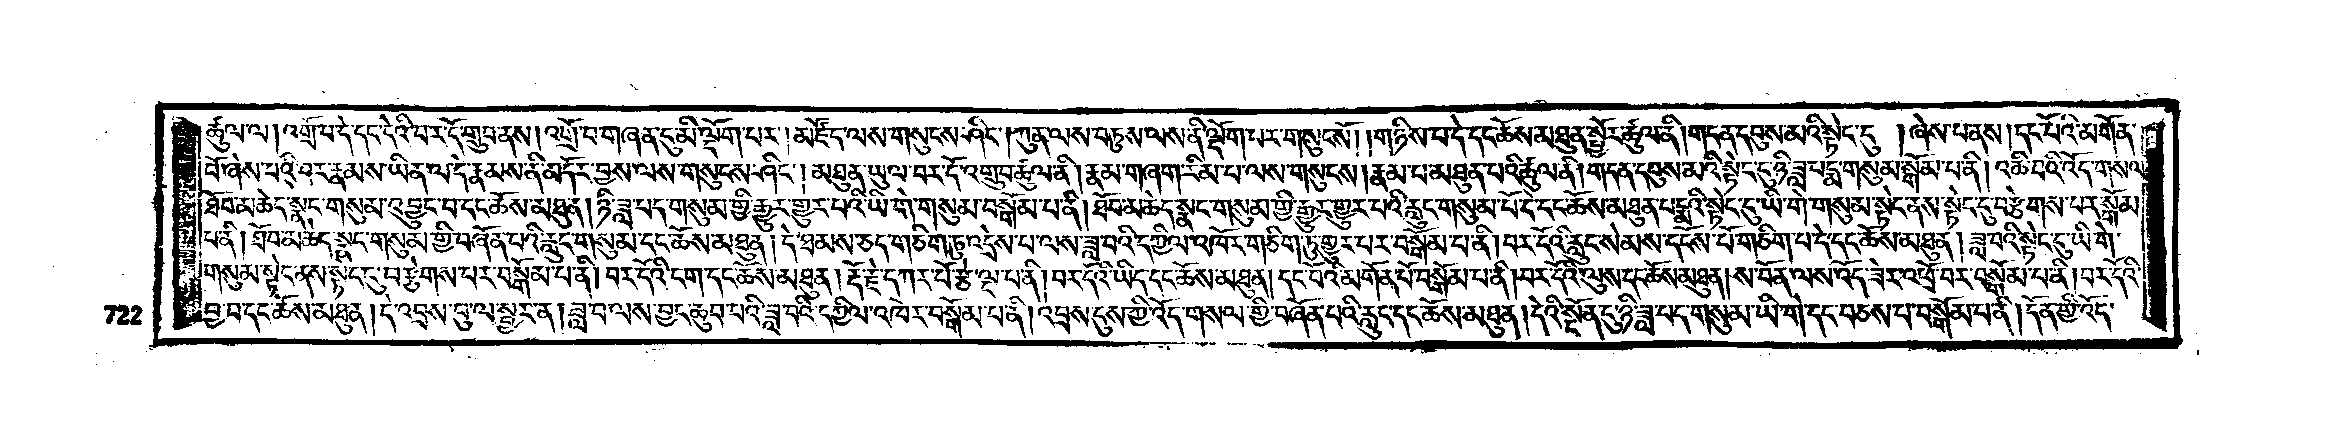ཚུལ་ལ། འགྲོ་བ་དེ་དང་དེའི་བར་དོ་གྲུབ་ནས། འགྲོ་བ་གཞན་དུ་མི་ལྡོག་པར། མཛེད་ལས་གསུངས་ཤིང་། ཀུན་ལས་བཏུས་ལས་ནི་ལྡོག་པར་གསུངས་སོ། །གཉིས་པ་དེ་དང་ཆོས་མཐུན་སྦྱོར་ཚུལ་ནི། གདན་དབུས་མའི་སྟེང་དུ། ཞེས་པ་ནས། དང་པོའི་མགོན་
པོ་ཞེས་པའི་བར་རྣམས་ཡིན་ལ་དེ་རྣམས་ནི་མདོར་བྱས་ལས་གསུངས་ཤིང་། མཐུན་ཡུལ་བར་དོ་འགྲུབ་ཚུལ་ནི། རྣམ་གཞག་རིམ་པ་ལས་གསུངས། རྣམ་པ་མཐུན་པའི་ཚུལ་ནི། གདན་དབུས་མའི་སྟེང་དུ་ཉི་ཟླ་པདམ་གསུམ་སྒོམ་པ་ནི། འཆི་བའི་འོད་གསལ་
ཐོབ་མཆེད་སྣང་གསུམ་འབྱུང་བ་དང་ཆོས་མཐུན། ཉི་ཟླ་པད་གསུམ་གྱི་རྒྱུར་གྱུར་པའི་ཡི་གེ་གསུམ་བསྒོམ་པ་ནི། ཐོབ་མཆེད་སྣང་གསུམ་གྱི་རྒྱུར་གྱུར་པའི་རླུང་གསུམ་པོ་དེ་དང་ཆོས་མཐུན་པདམའི་སྟེང་དུ་ཡི་གེ་གསུམ་སྟེང་ནས་སྟེང་དུ་བརྩེགས་པར་སྒོམ་
པ་ནི། ཐོབ་མཆེད་སྣང་གསུམ་གྱི་བཞོན་པའི་རླུང་གསུམ་དང་ཆོས་མཐུན། དེ་ཐམས་ཅད་གཅིག་ཏུ་འདྲེས་པ་ལས་ཟླ་བའི་དཀྱིལ་འཁོར་གཅིག་ཏུ་གྱུར་པར་བསྒོམ་པ་ནི། བར་དོའི་རླུང་སེམས་དངོས་པོ་གཅིག་པ་དེ་དང་ཆོས་མཐུན། ཟླ་བའི་སྟེང་དུ་ཡི་གེ་
གསུམ་སྟེང་ནས་སྟེང་དུ་བརྩེགས་པར་བསྒོམ་པ་ནི། བར་དོའི་ངག་དང་ཆོས་མཐུན། རྡོ་རྗེ་དཀར་པོ་རྩེ་ལྔ་པ་ནི། བར་དོའི་ཡིད་དང་ཆོས་མཐུན། དང་པོའི་མགོན་པོ་བསྒོམ་པ་ནི། བར་དོའི་ལུས་དང་ཆོས་མཐུན། ས་བོན་ལས་འོད་ཟེར་འཕྲོ་བར་བསྒོམ་པ་ནི། བར་དོའི་
བྱ་བ་དང་ཆོས་མཐུན། དེ་འབྲས་བུ་ལ་སྦྱར་ན། ཟླ་བ་ལས་བྱང་ཆུབ་པའི་ཟླ་བའི་དཀྱིལ་འཁོར་བསྒོམ་པ་ནི། འབྲས་དུས་ཀྱི་འོད་གསལ་གྱི་བཞོན་པའི་རླུང་དང་ཆོས་མཐུན། དེའི་སྔོན་དུ་ཉི་ཟླ་པད་གསུམ་ཡི་གེ་དང་བཅས་པ་བསྒོམ་པ་ནི། དོན་གྱི་འོད་